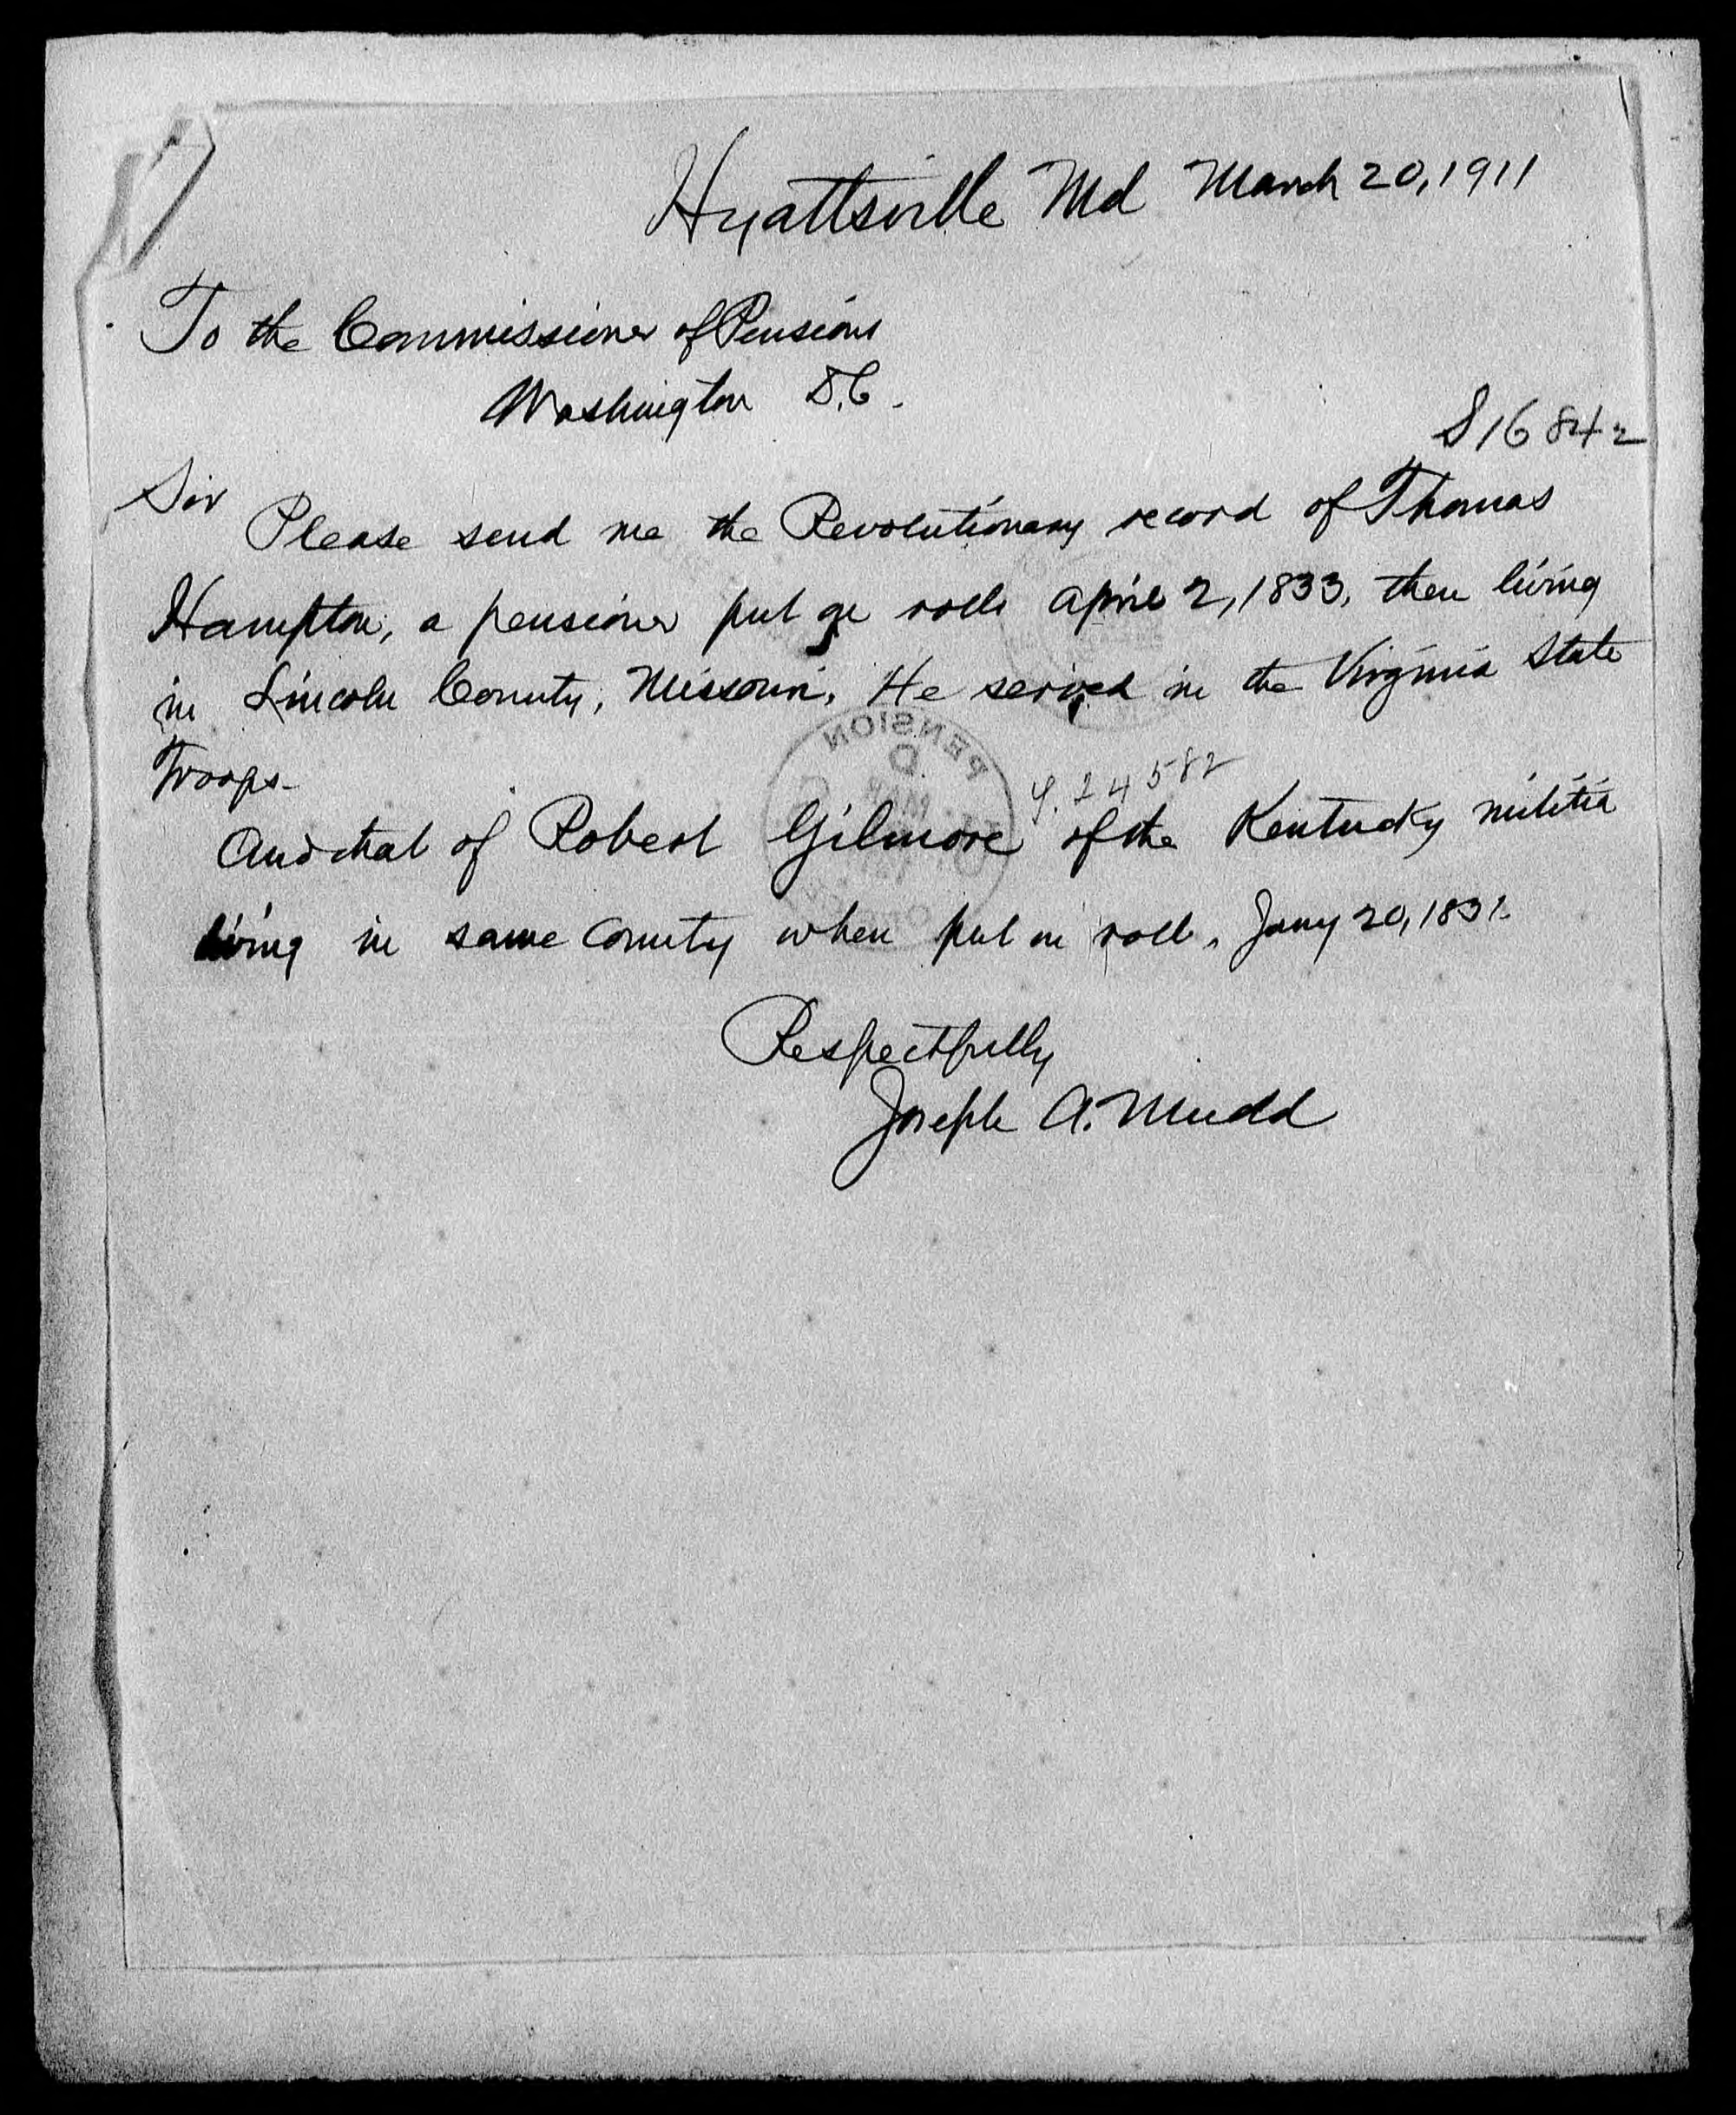Hyattsville Md March 20, 1911
To the Commissioner of Pensions
Washington D.C.
S 16842
Sir 
Please send me the Revolutionary record of Thomas Hampton, a pensionr put on rolls April 2, 1833, then living in Lincoln County, Missouri. He served in the Virginia state Troops.
And that of Robert Gilmore S. 24582 of the Kentucky militia living in same County when put on rolls January 20, 1831
Respectfully
Joseph A. Mudd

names: Joseph A Mudd, Robert Gilmore, Thomas Hampton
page: 25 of 26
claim: survivor's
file: S. 16842, Thomas Hampton, Va.